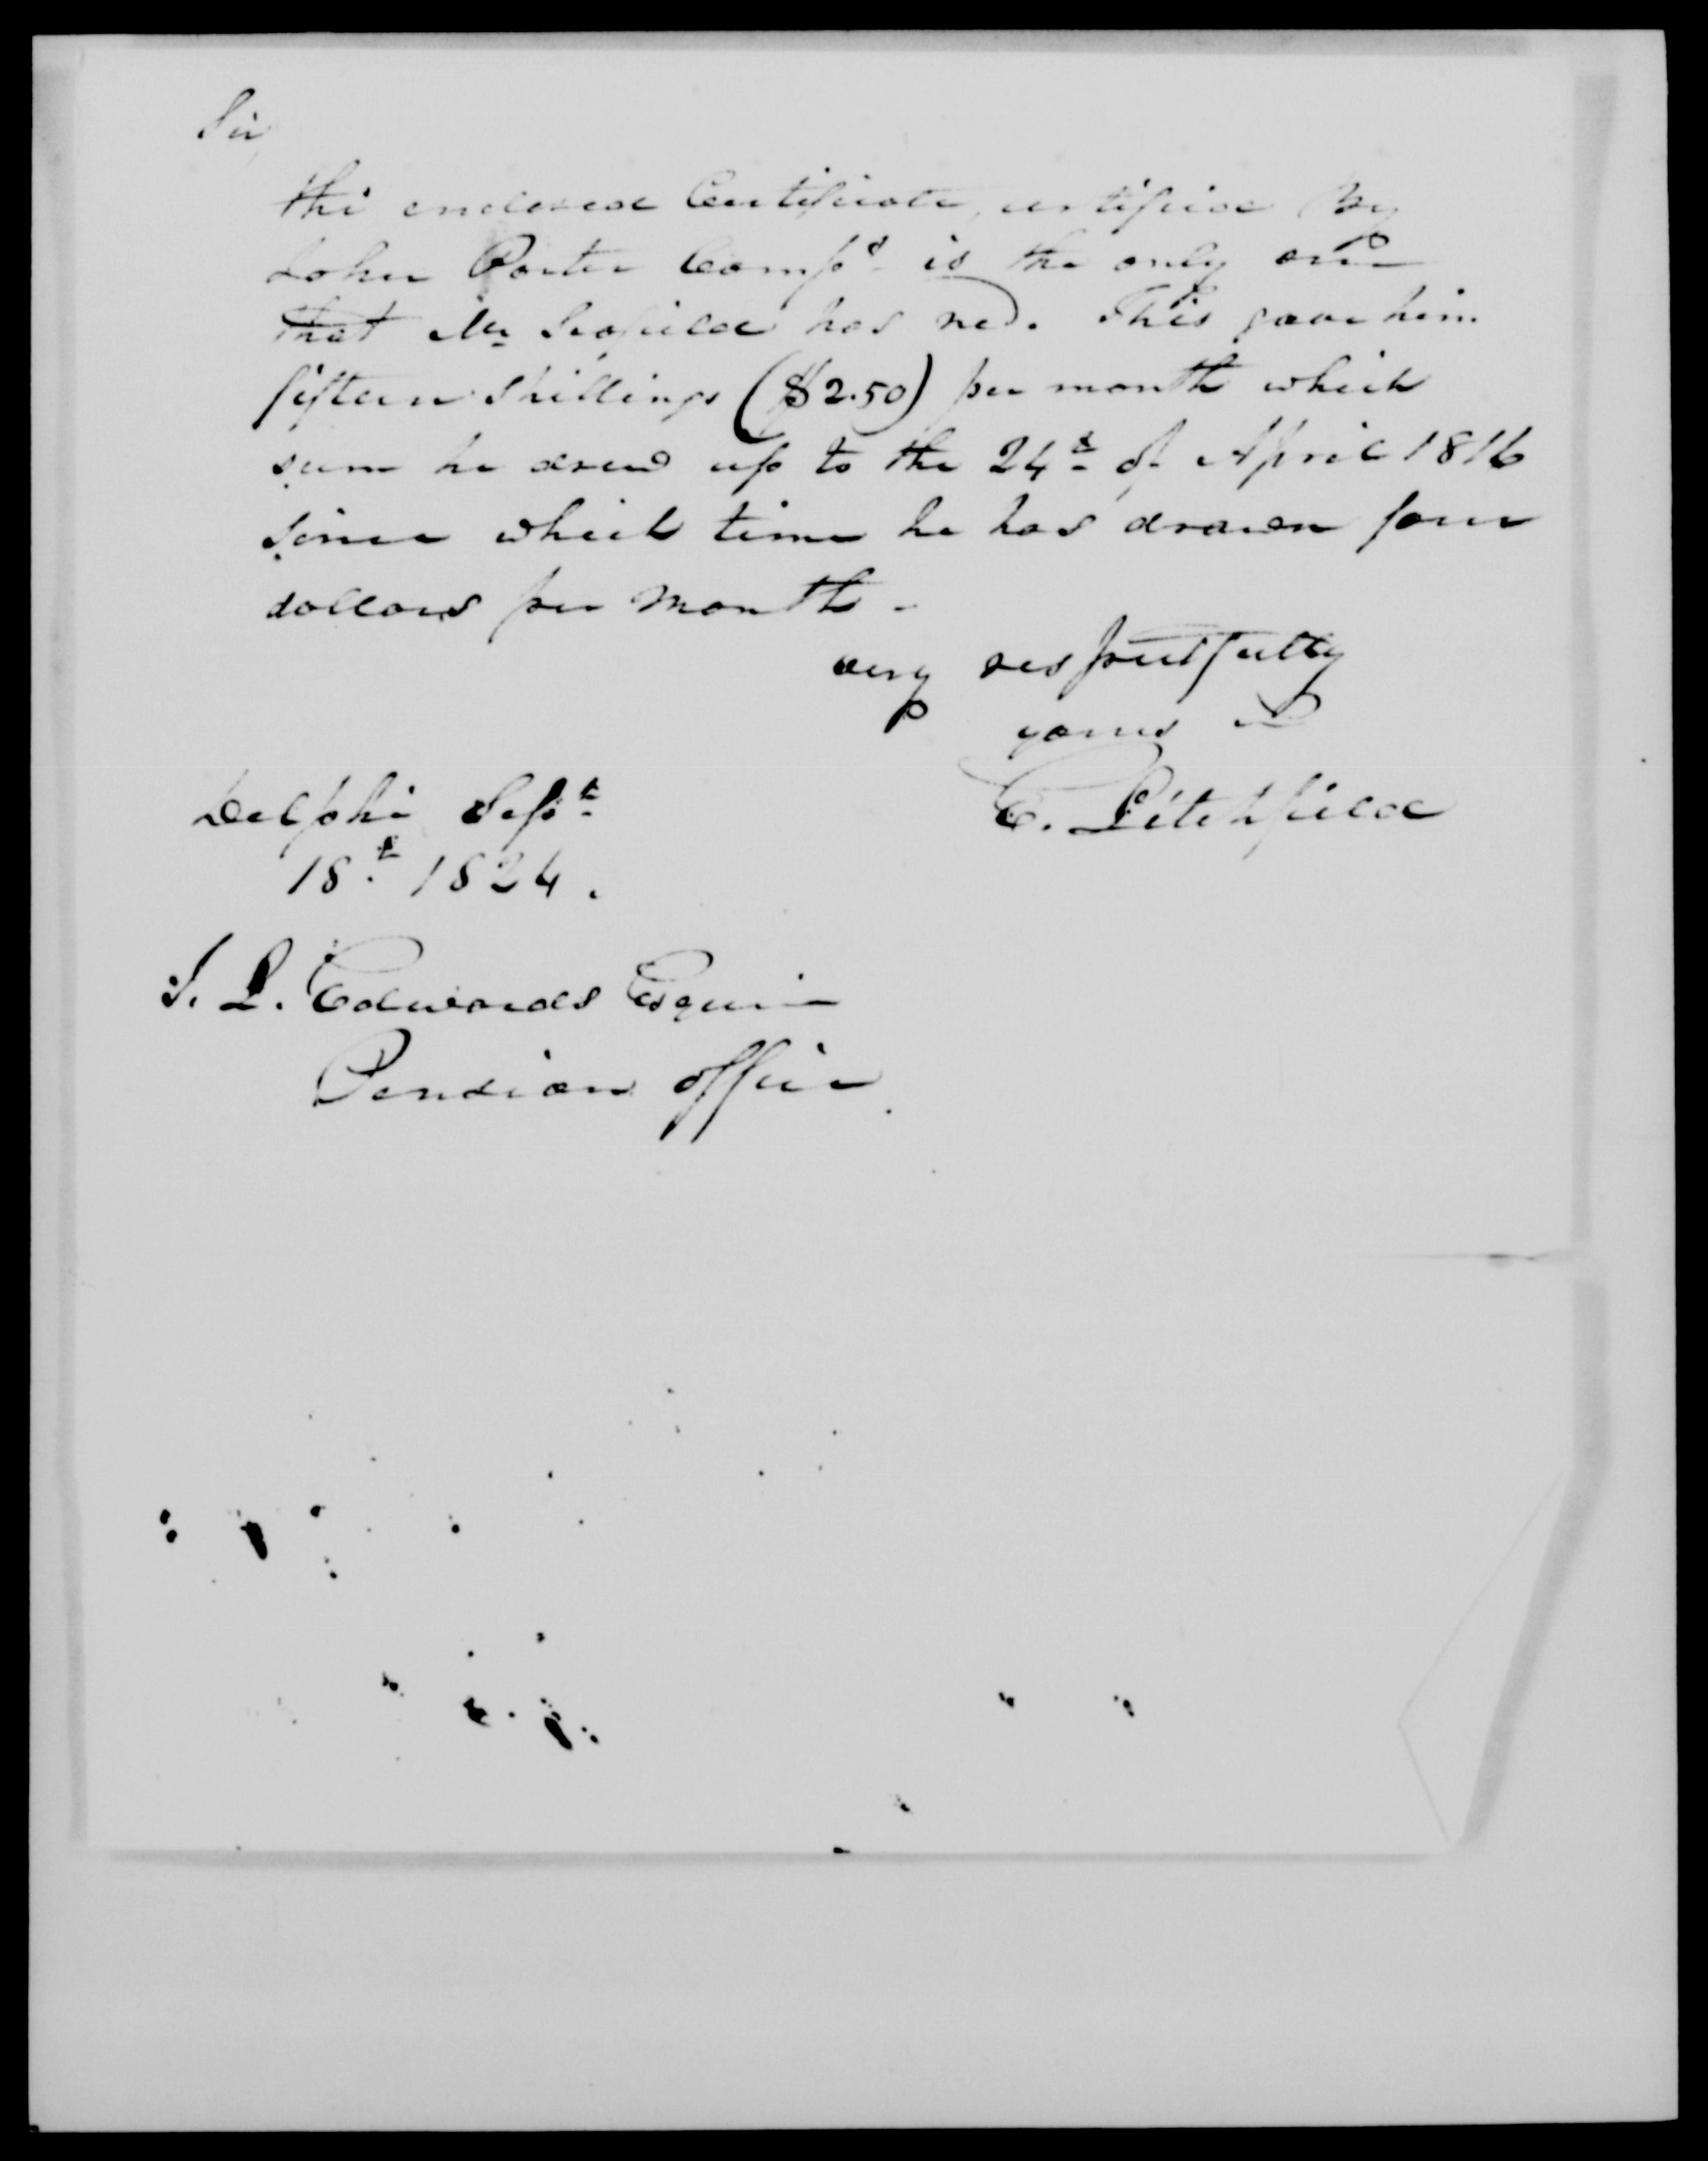Sir
The enclosed certificate certified by John Porter Compt’r is the only one that Mr. Scofield has had. This gave him fifteen Shillings ($2.50) per month which sum he drew up to the 24th of April 1816 since which time he has drawn four dollars per month.   
Very respectfully Yours &c 
E Litchfield 
Delphi Sept 18th 1824. 
J.L. Edwards Esquire Pension office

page: 30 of 36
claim: survivor's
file: S. 10,004, for Seely Scofield, Connecticut